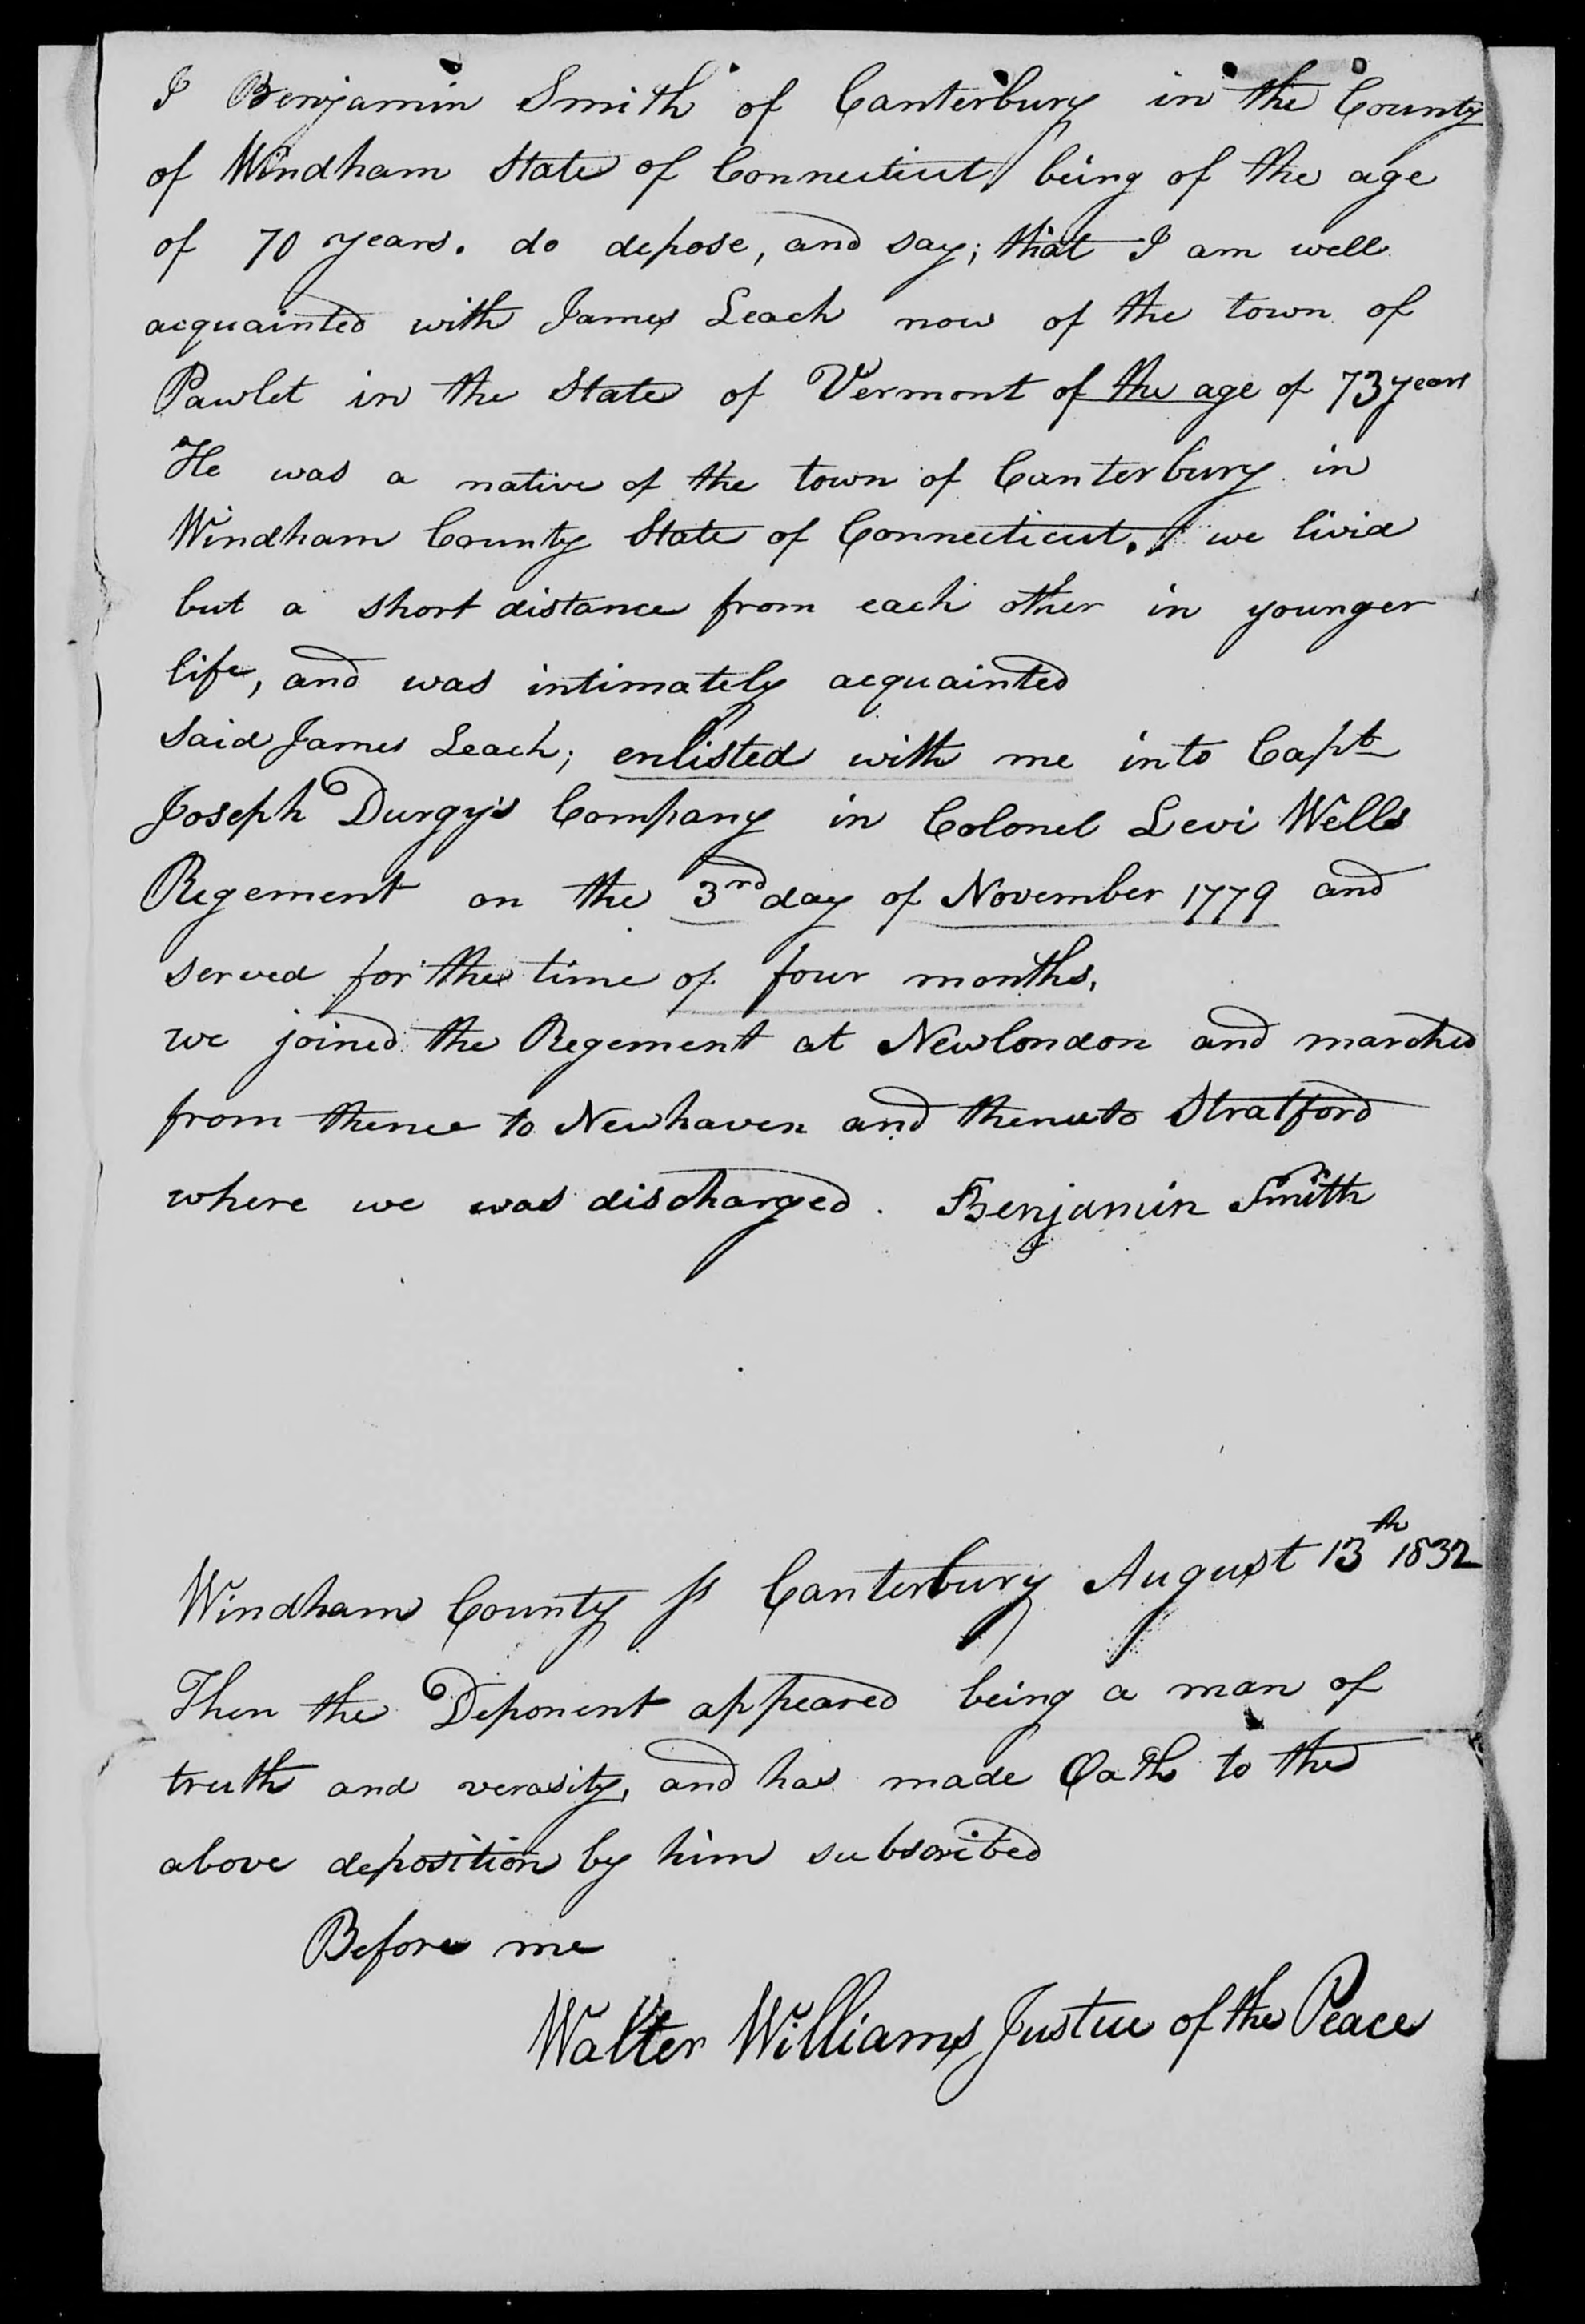I Benjamin Smith of Canterbury in the County of Windham State of Connecticut being of the age of 70 years do depose and say that I am well acquainted with James Leach now of the town of Pawlet in the State of Vermont of the age of 73 years. He was a native of the town of Canterbury in Windham County State of Connecticut. we lived but a short distance from each other in younger life, and was intimately acquainted 
Said James Leach; enlisted with me into Capt Joseph Dungy's Company in Colonel Levi Wells Regement on the 3rd day of November 1779 and served for the time of four months, we joined the Regement at Newlondon [New London] and marched from there to New haven and then to Stratford where we was discharged. 
Benjamin Smith

Windham County Ss. Canterbury August 13th 1832
Then the Deponent appeared being a man of truth and verasity and has made oaths to the above deposition by him subscribed 
Before me
Walter Williams, Justice of the Peace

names: Walter Williams; James Leach; Benjamin Smith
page: 10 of 27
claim: widow's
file: W. 24,500, for James Leach, Connecticut